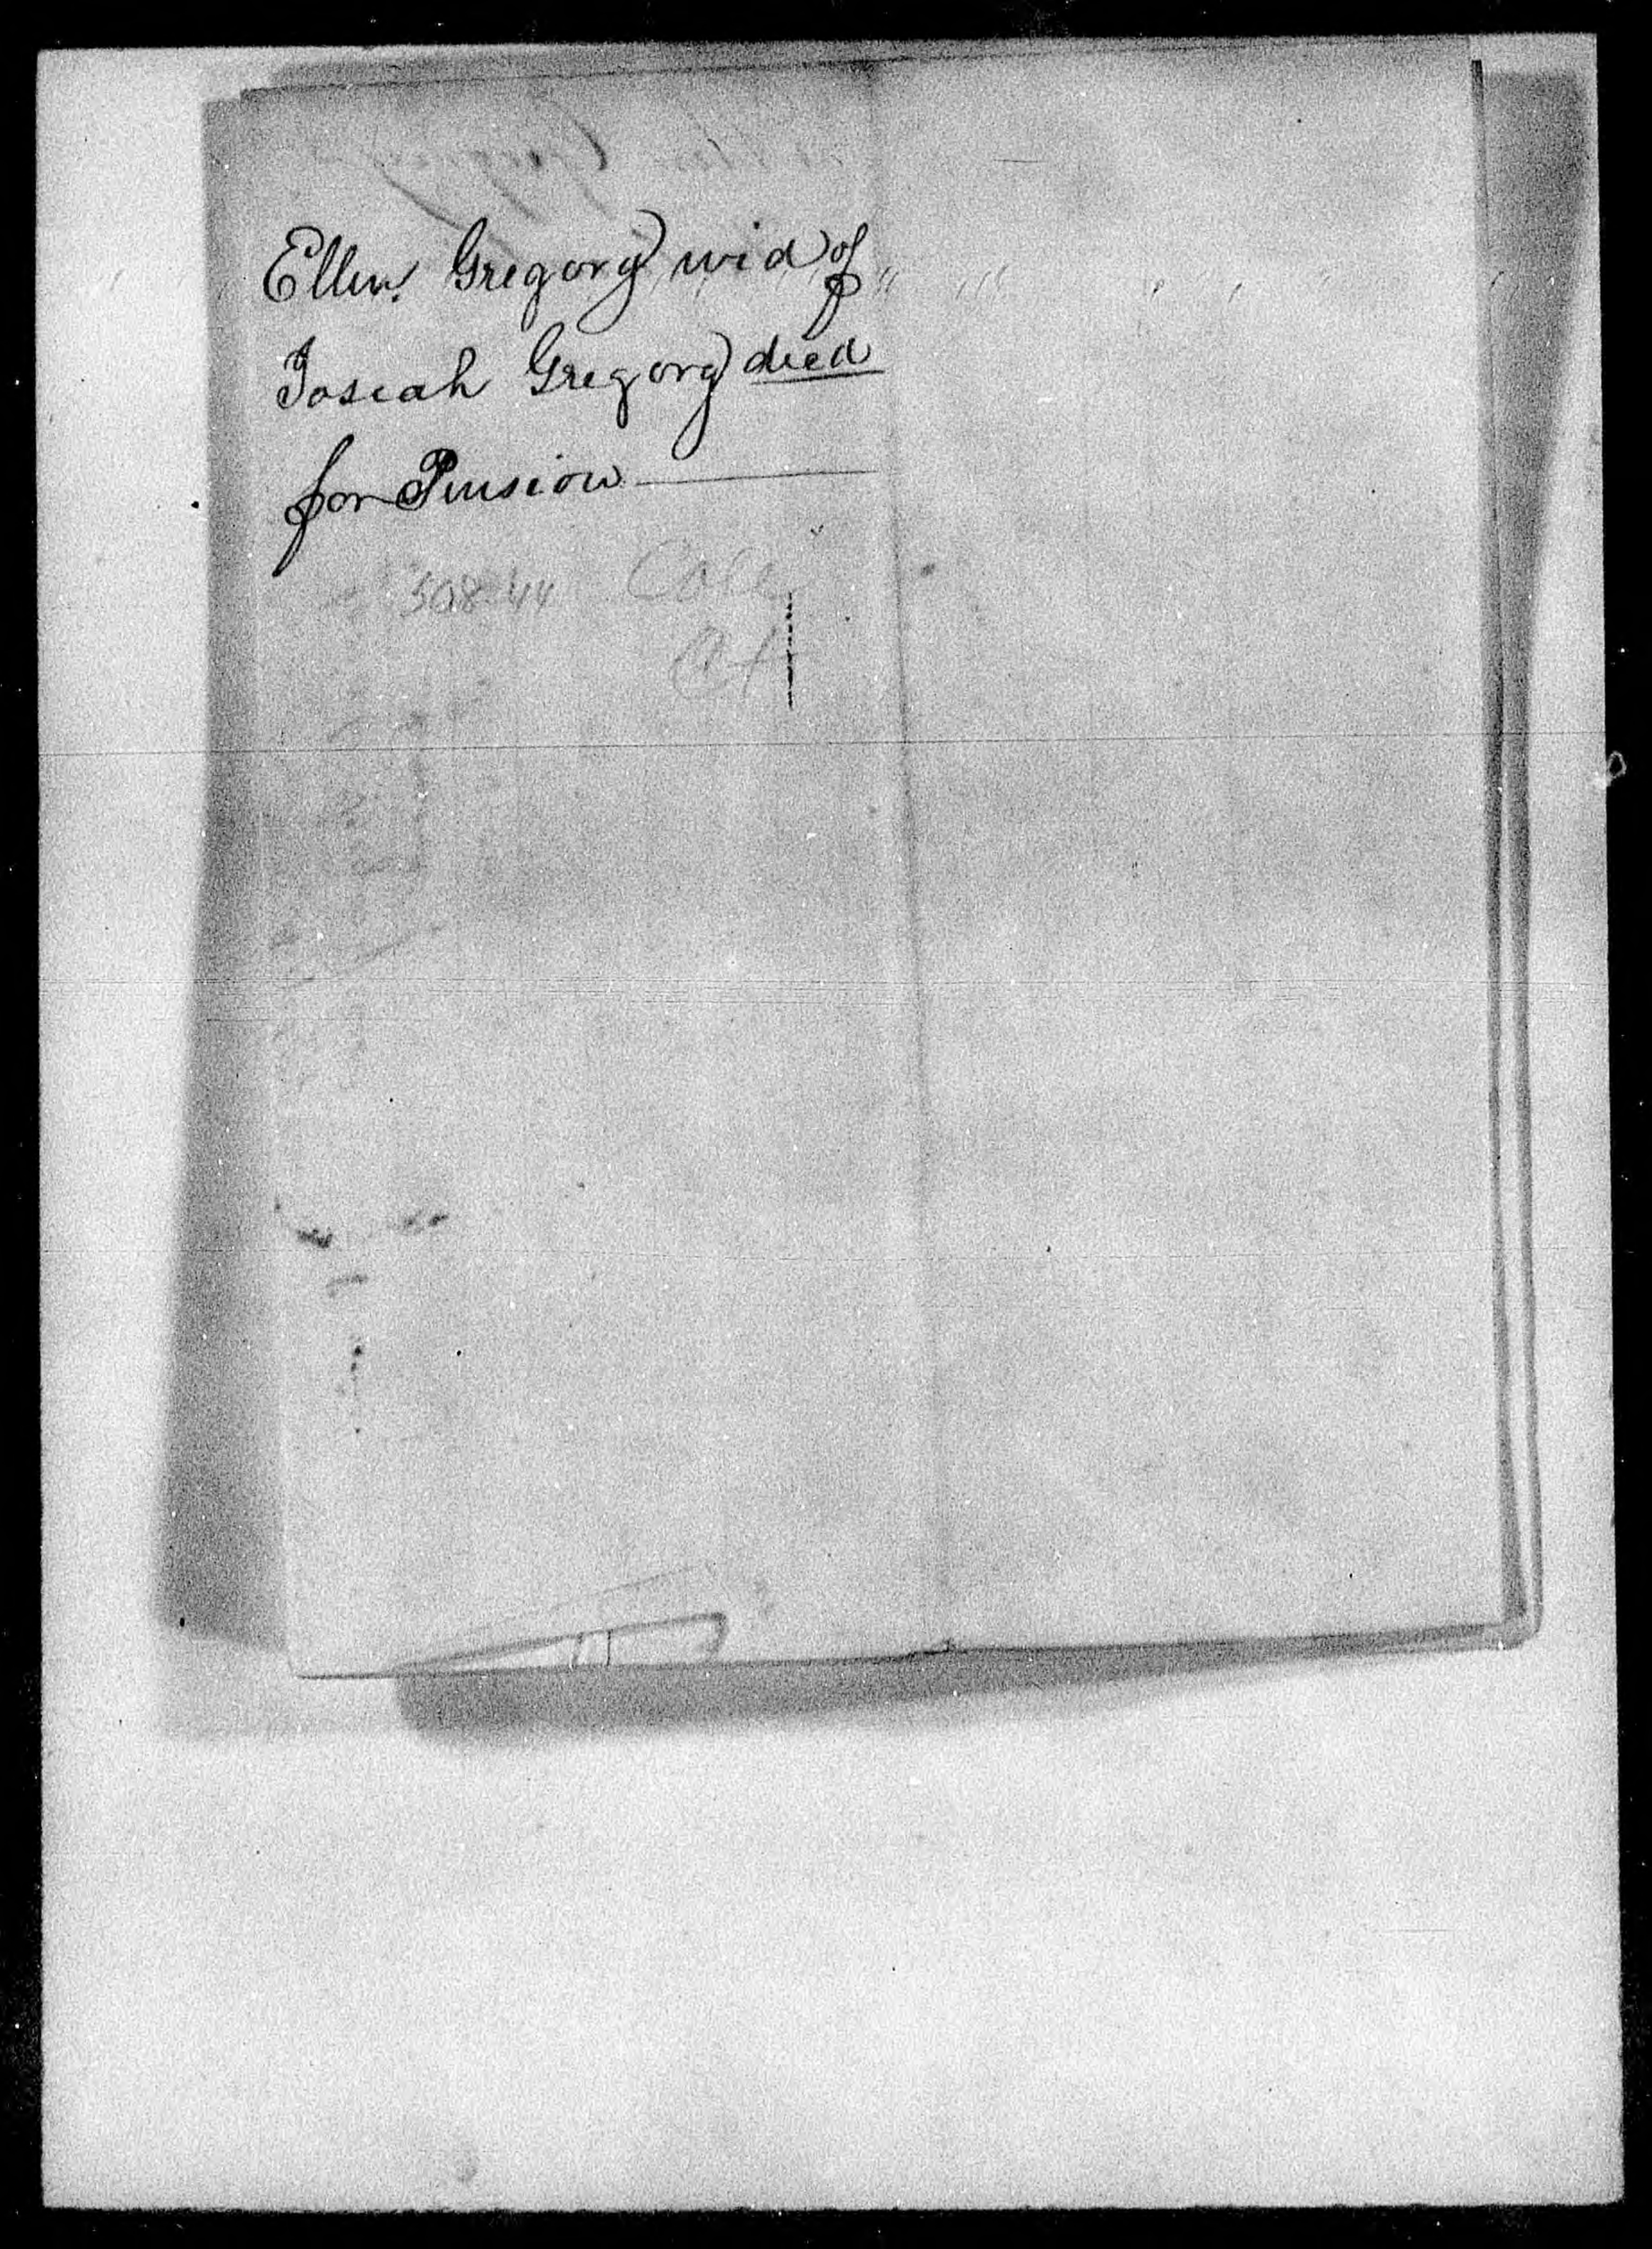Ellen Gregory wid of 
Josiah Gregory decd
for Pension ___--
30844 Cole
             Ct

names: Cole, Ellen Gregory, Josiah Gregory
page: 43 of 49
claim: widow's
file: W 24308, Josiah Gregory, Conn.